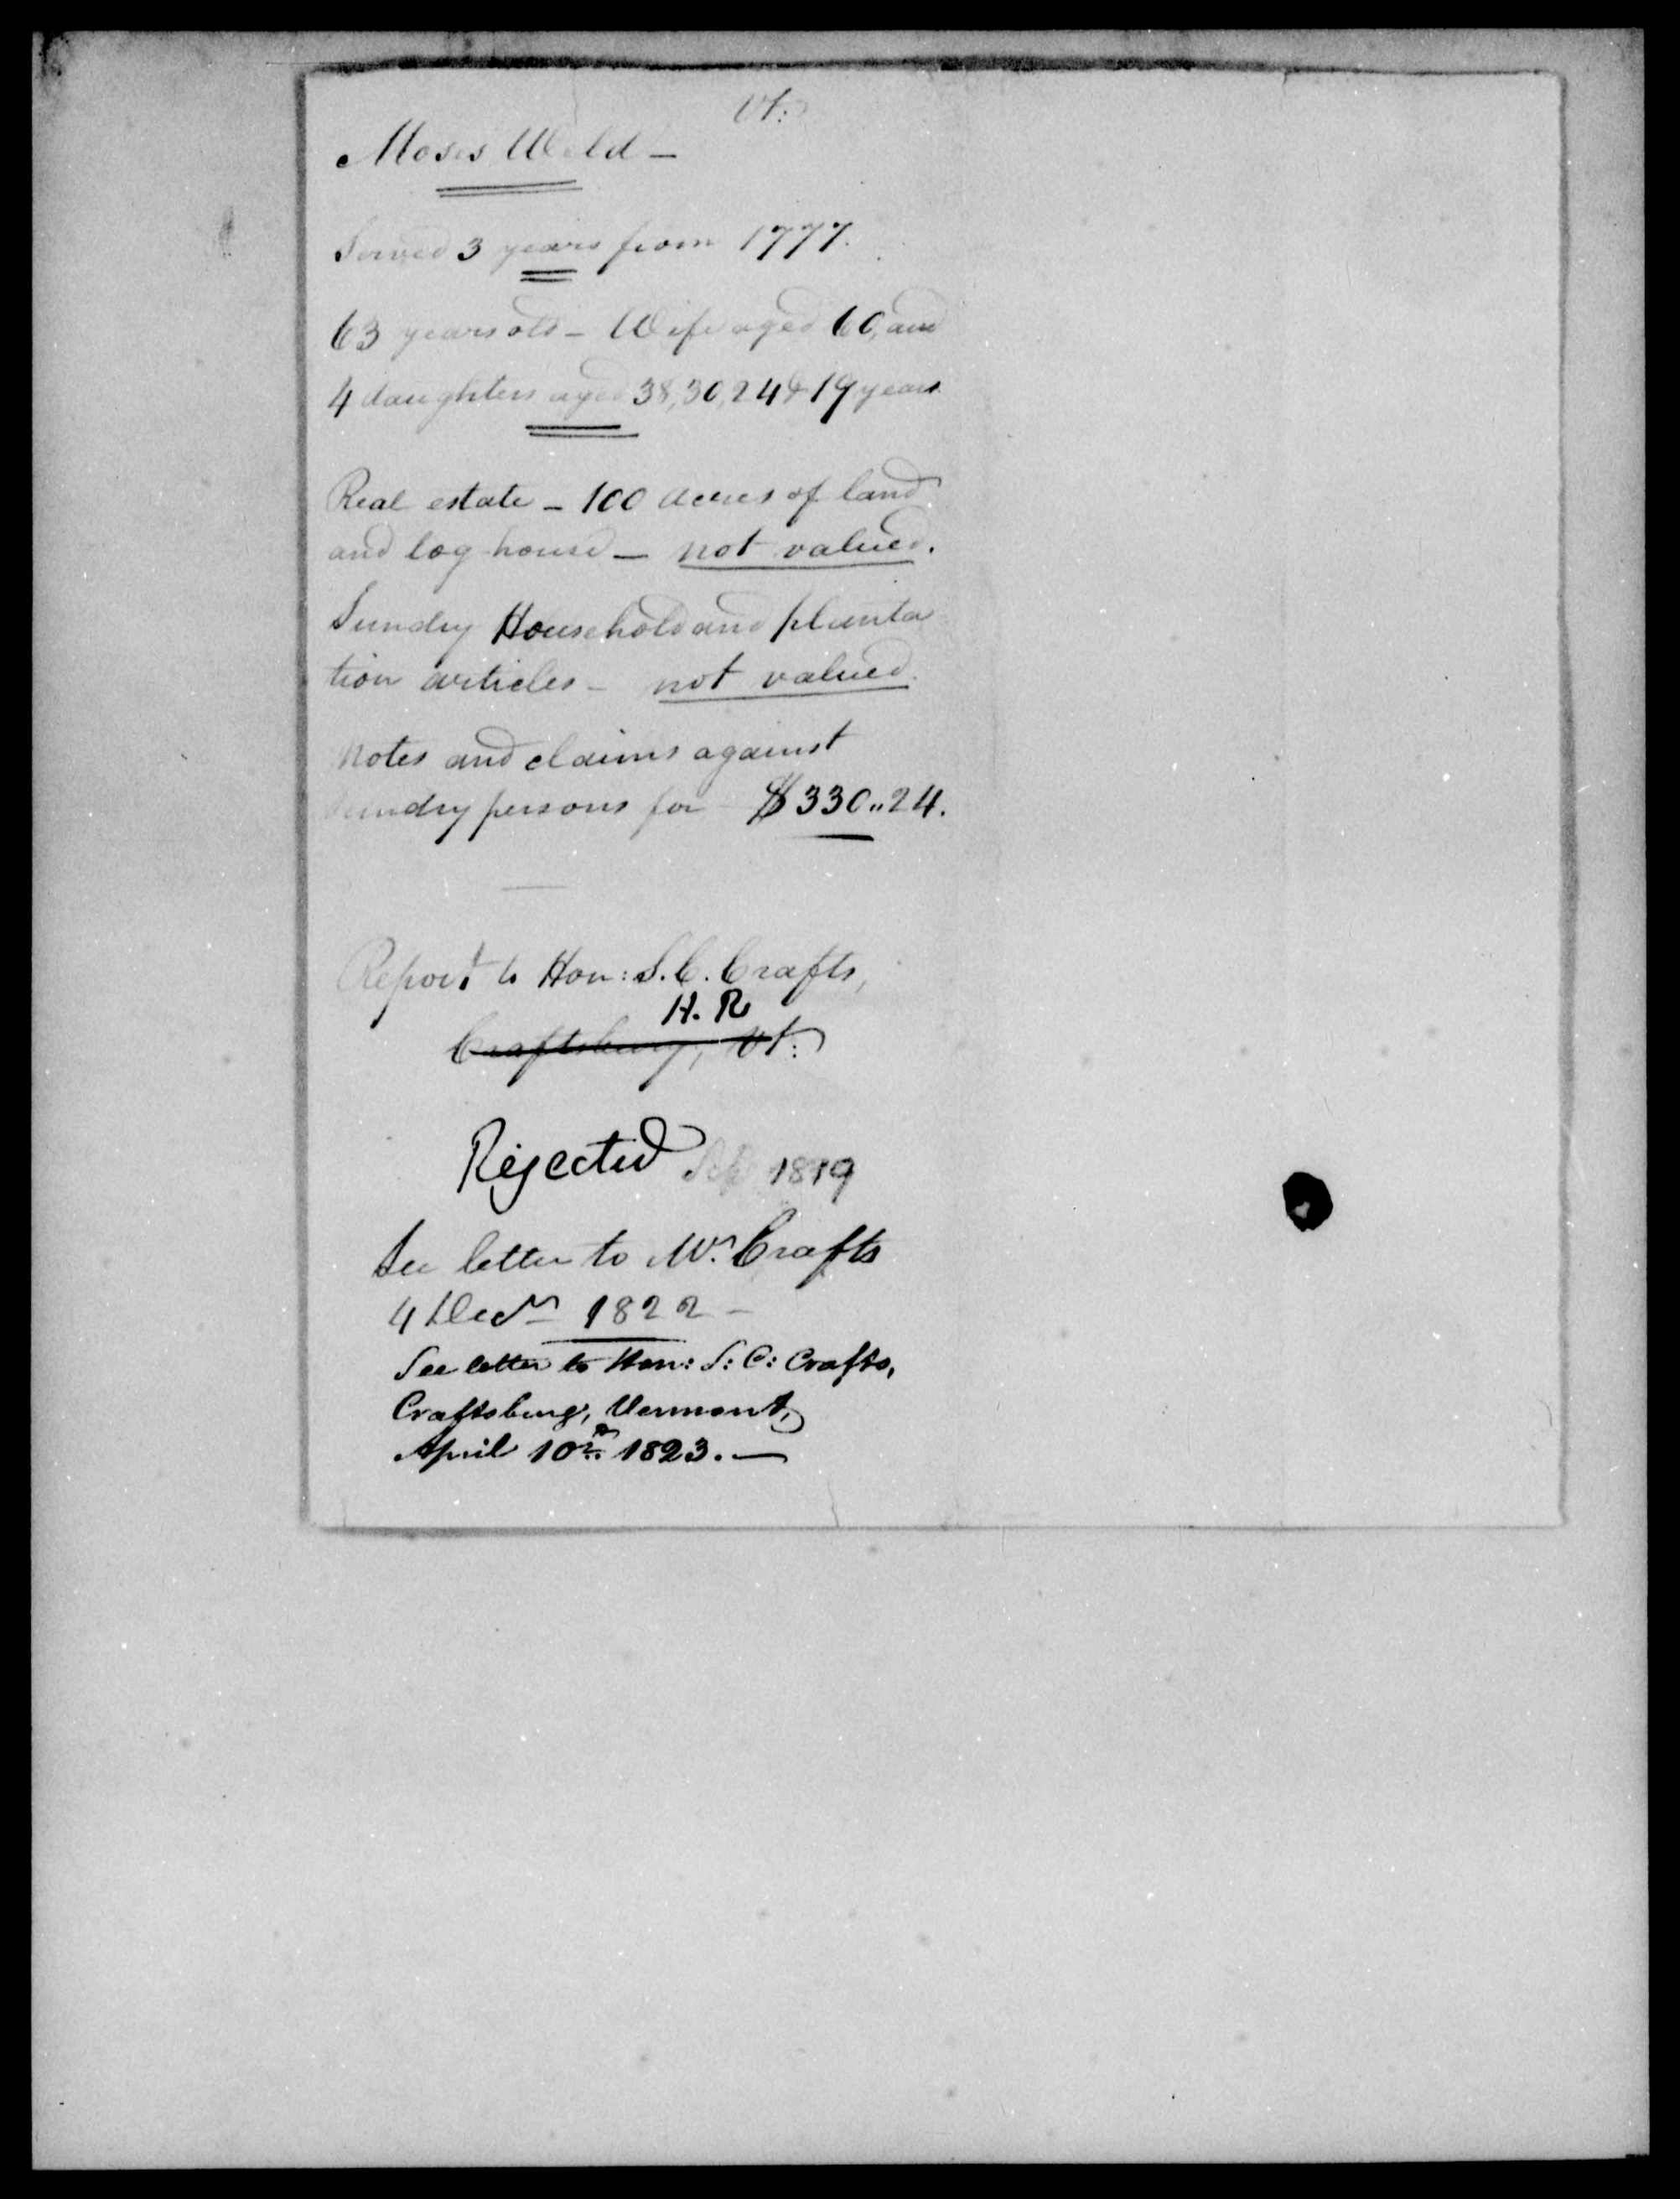Vt
Moses Weld-
=
served 3 years from 1777.
=
63 years old-- Wife aged 60, and
4 daughter aged 38, 30, 24, 19 years
=
Real estate - 100 acres of land
and log house-- not valued
Sundry Household and plantation articles, not valued.
Notes and claims against
Sundry persons for $330,24
-
Report to Hon. S. C. Crafts
Edit:  "Craftsbury, VT" is crossed out with "H.R" written above it. 

Rejected Sep 1819
See letter to Mr Crafts
4 Decr 1822-
See letter to Hon S. C. Crafts
Craftsburg, Vermont,
April 10th 1823.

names: Moses Weld, S C Crafts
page: 24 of 87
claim: widow's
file: W. 25,966, Moses Weld, Mass.